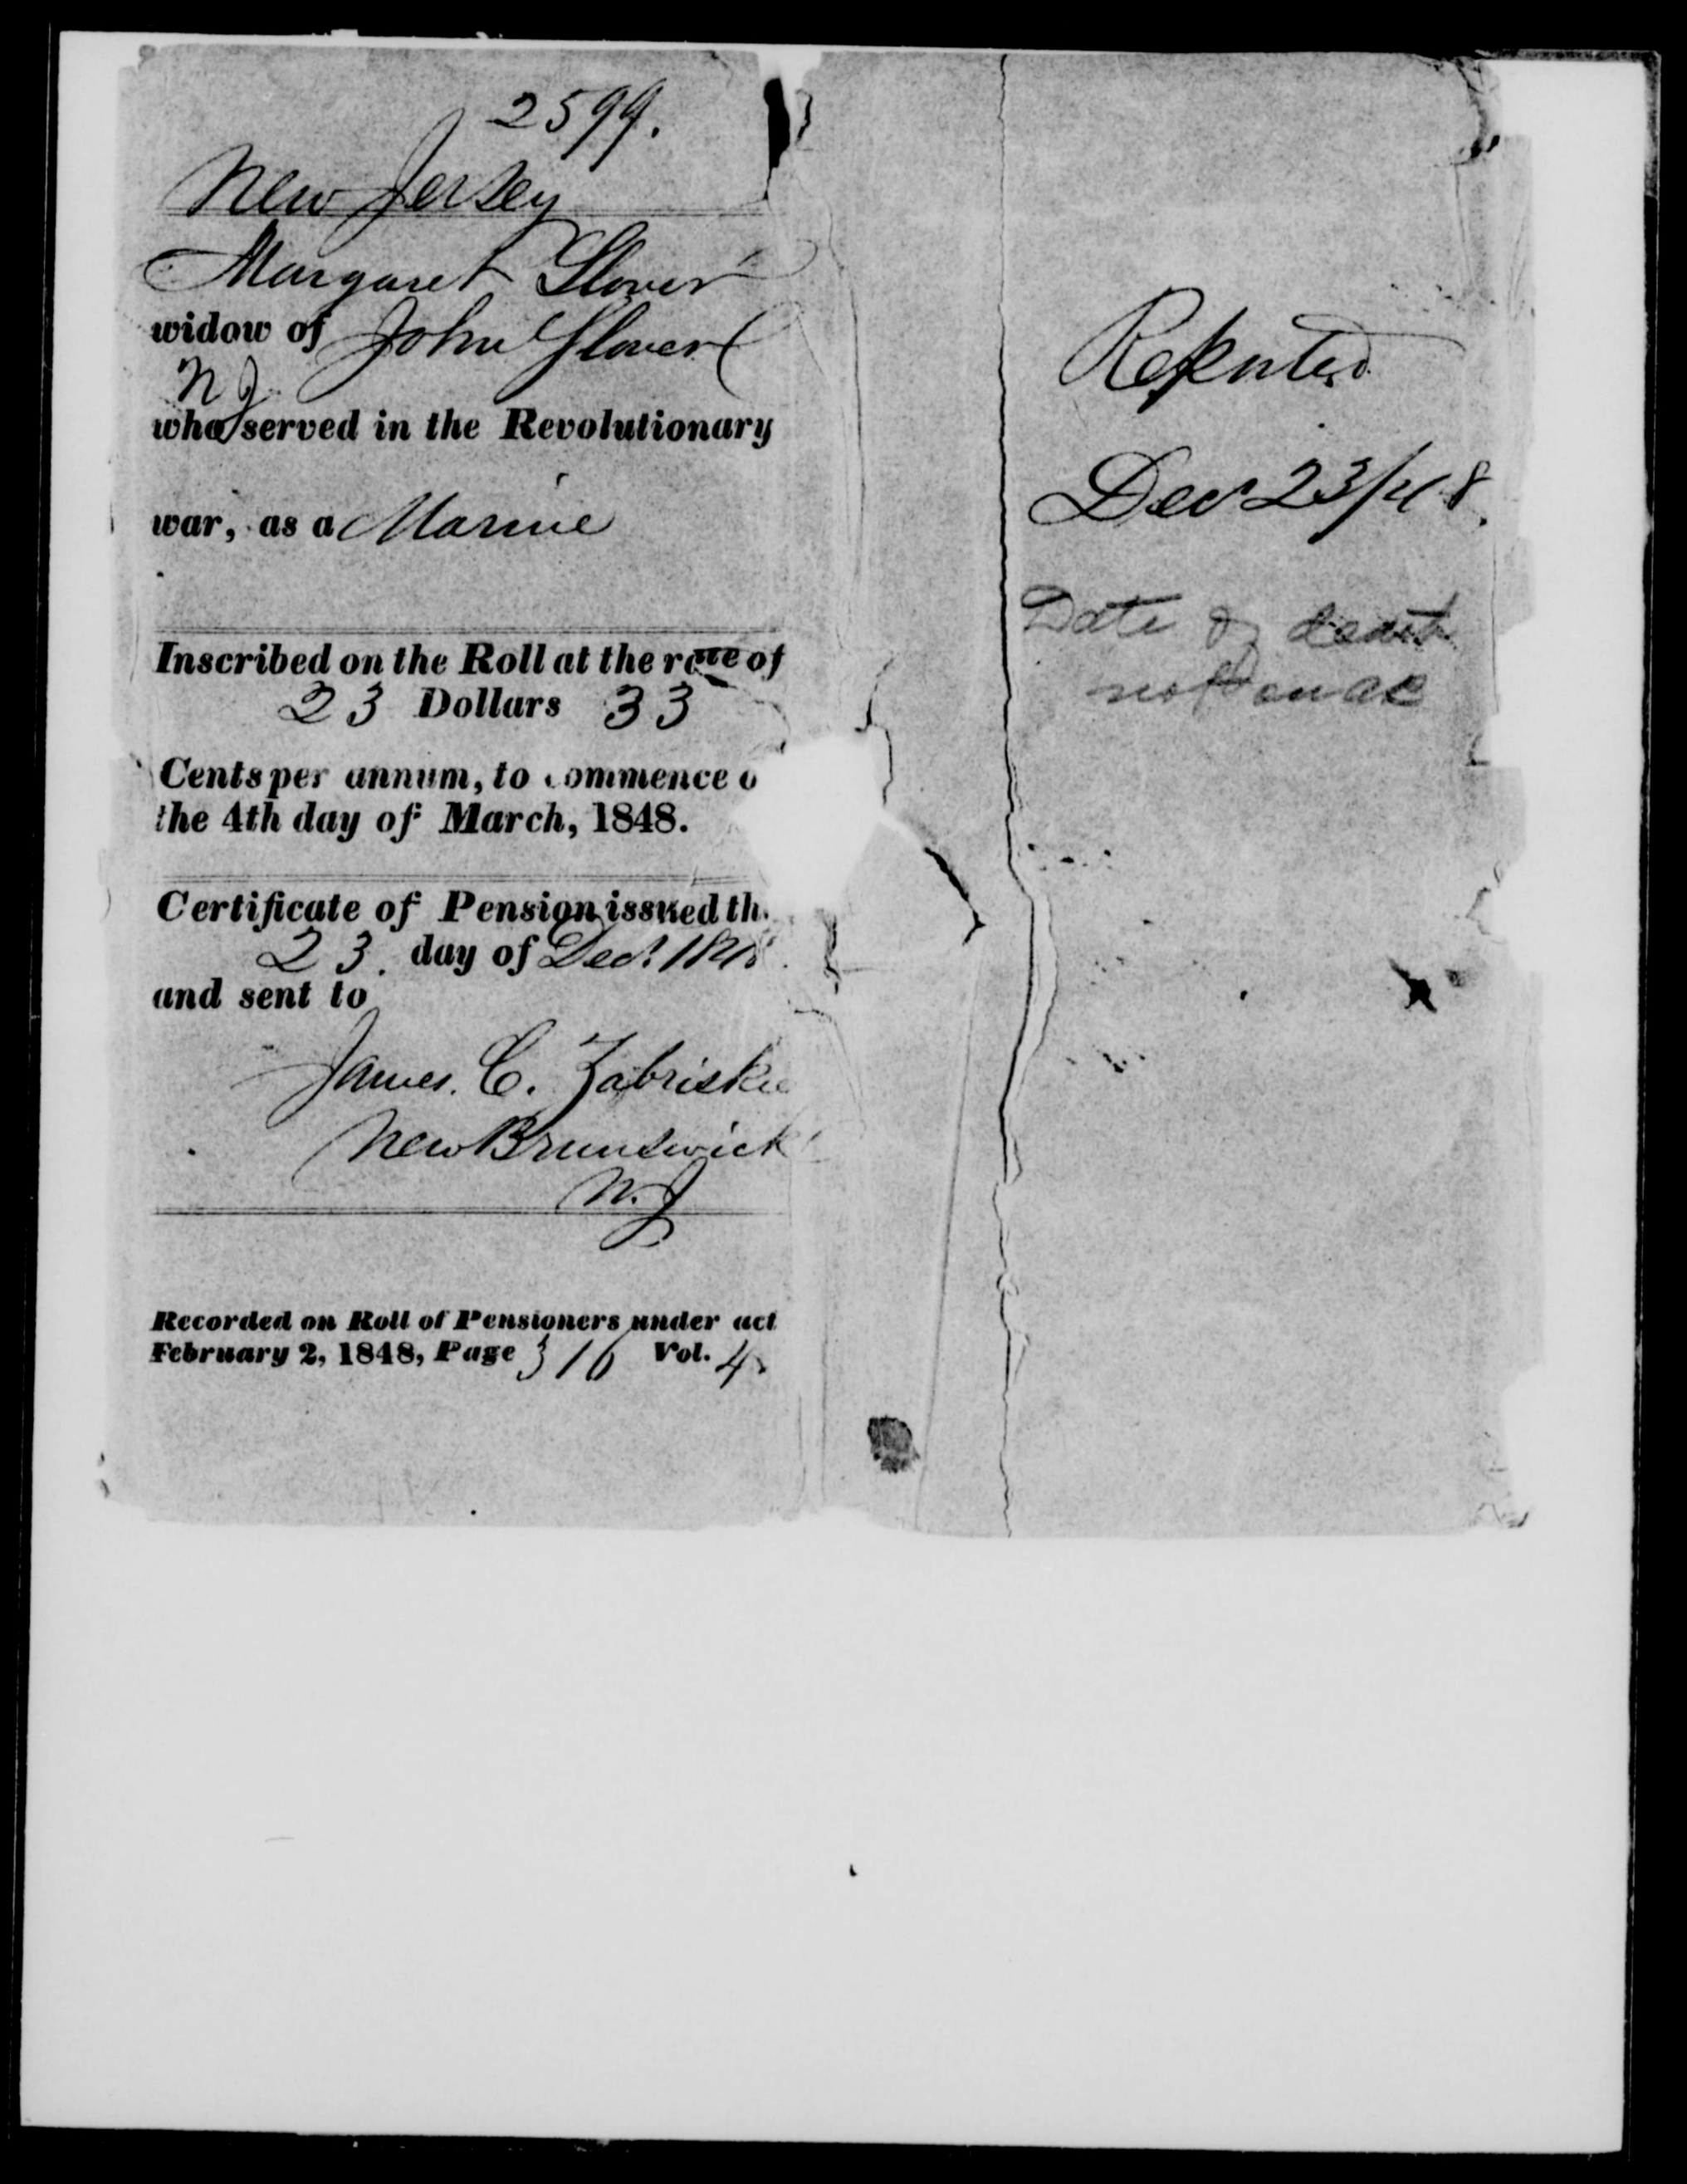2599
New Jersey
Margaret Slover widow of John Slover who served in the Revolutionary War, as a Marine
Inscribed on the Roll at the rate of 23 Dollars 33 Cents per annum, to commence the 4th day of March, 1848.

Certificate of Pension issued this 23 day of Dec 1848 and sent to James C Zabriskie
New Brunswick, N.J.

Received (?) Dec 23/48
Date of death {unknown}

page: 3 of 46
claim: widow's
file: W. 6205, for John Slover, New Jersey